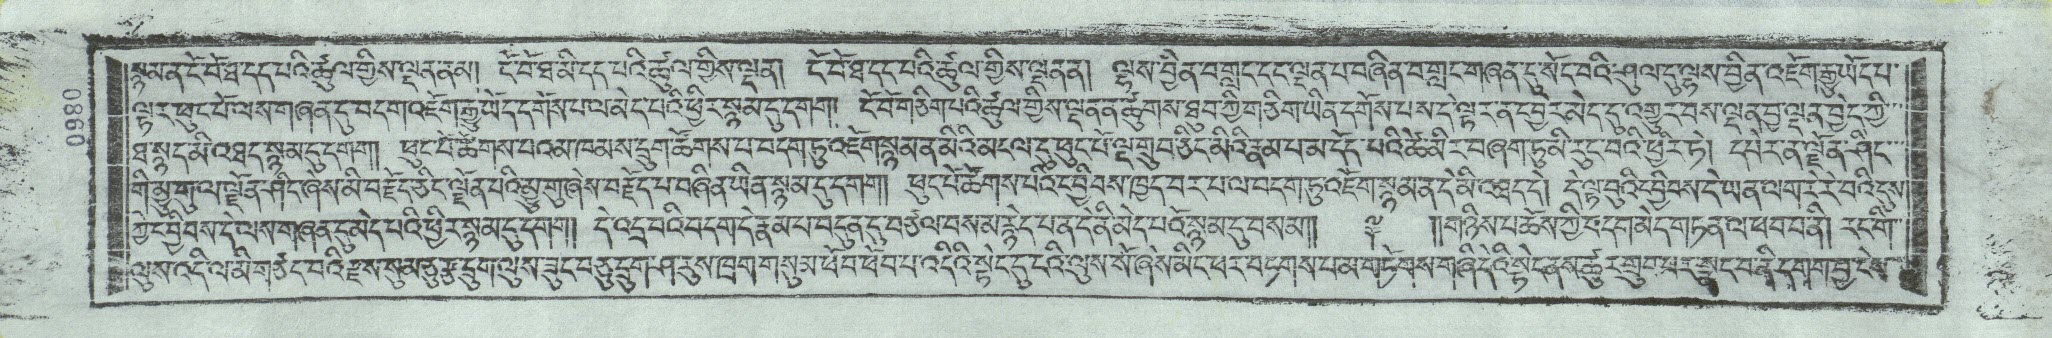སྙམ་ན་ངོ་བོ་ཐ་དད་པའི་ཚུལ་གྱིས་ལྡན་ནམ། ངོ་བོ་ཐ་མི་དད་པའི་ཚུལ་གྱིས་ལྡན། ངོ་བོ་ཐ་དད་པའི་ཚུལ་གྱིས་ལྡན་ན། ལྷས་བྱིན་བ་གླང་དང་ལྡན་པ་བཞིན་བ་གླང་གཞན་དུ་སོང་བའི་ཤུལ་དུ་ལྷས་བྱིན་འཇོག་རྒྱུ་ཡོད་པ་
ལྟར་ཕུང་པོ་ལས་གཞན་དུ་བདག་འཇོག་རྒྱུ་ཡོད་དགོས་པ་ལ་མེད་པའི་ཕྱིར་སྙམ་དུ་དགག། ངོ་བོ་གཅིག་པའི་ཚུལ་གྱིས་ལྡན་ན་ཚུགས་ཐུབ་ཀྱི་གཅིག་ཡིན་དགོས་པས་དེ་ལྟར་ན་དབྱེར་མེད་དུ་འགྱུར་བས་ལྡན་བྱ་ལྡན་བྱེད་ཀྱི་
ཐ་སྙད་མི་འཐད་སྙམ་དུ་དགག། ཕུང་པོ་ཚོགས་པའམ་ཁམས་དྲུག་ཚོགས་པ་བདག་ཏུ་འཇོག་སྙམ་ན་མིའི་མངལ་དུ་ཕུང་པོ་ལྔ་གྲུབ་ཅིང་མིའི་རྣམ་པ་མ་དོད་པའི་ཚེ་མིར་བཞག་ཏུ་མི་རུང་བའི་ཕྱིར་ཏེ། དཔེར་ན་ལྗོན་ཤིང་
གི་མྱུ་གུ་ལ་ལྗོན་ཤིང་ཞེས་མི་བརྗོད་ཅིང་ལྗོན་པའི་མྱུ་གུ་ཞེས་བརྗོད་པ་བཞིན་ཡིན་སྙམ་དུ་དགག། ཕུང་པོ་ཚོགས་པའི་དབྱིབས་ཁྱད་པར་པ་ལ་བདག་ཏུ་འཇོག་སྙམ་ན་དེ་མི་འཐད་དེ། དེ་ལྟ་བུའི་དབྱིབས་དེ་ཡན་ལག་རེ་རེ་བའི་དུས་
ཀྱི་དབྱིབས་དེ་ལས་གཞན་དུ་མེད་པའི་ཕྱིར་སྙམ་དུ་དགག། དེ་འདྲ་བའི་བདག་དེ་རྣམ་པ་བདུན་དུ་བཙལ་བས་མ་རྙེད་པ་ན་དེ་ནི་མེད་པའོ་སྙམ་དུ་བསམ།། ༈ །།གཉིས་པ་ཆོས་ཀྱི་བདག་མེད་གཏན་ལ་ཕབ་པ་ནི། རང་གི་
ལུས་འདི་ལ་མི་གཙང་བའི་རྫས་སུམ་ཅུ་རྩ་དྲུག་ལུས་ཟུང་བཅུ་དྲུག་ཤ་རུས་ཁྲག་གསུམ་ཕོབ་ཕོབ་པ་འདིའི་སྟེང་དུ་ངའི་ལུས་སོ་ཞེས་མིང་ཕར་བཏགས་པ་མ་གཏོགས་གཞི་དེའི་སྟེང་ནས་ཚུར་གྲུབ་པར་སྣང་བ་ནི་དགག་བྱ་ངེས་